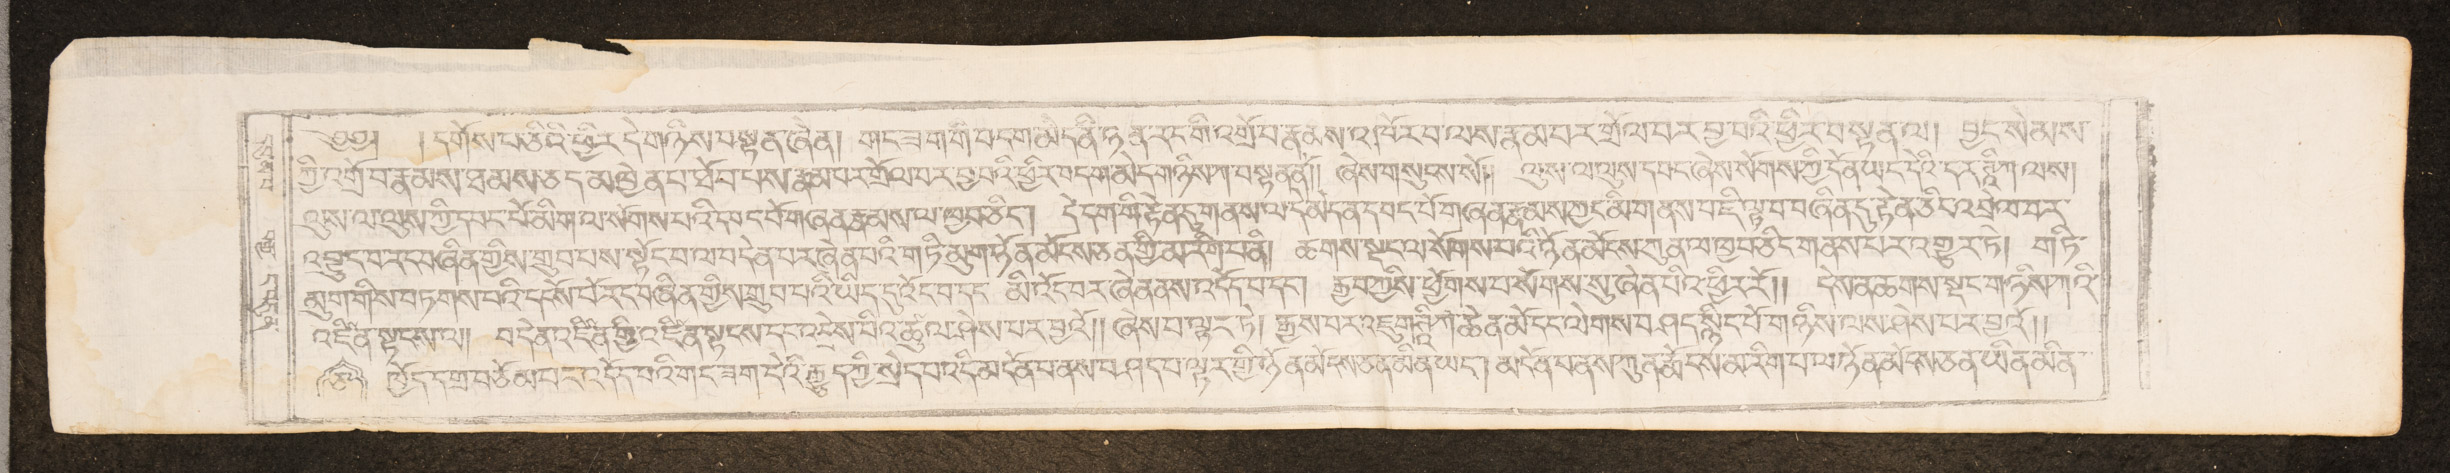༄༅། །དགོས་པ་ཅིའི་ཕྱིར་དེ་གཉིས་བསྟན་ཞེན། གང་ཟག་གི་བདག་མེད་ནི་ཉན་རང་གི་འགྲོ་བ་རྣམས་འཁོར་བ་ལས་རྣམ་པར་གྲོལ་བར་བྱ་བའི་ཕྱིར་བསྟན་ལ། བྱང་སེམས་
ཀྱི་འགྲོ་བ་རྣམས་ཐམས་ཅད་མཁྱེན་པ་ཐོབ་པས་རྣམ་པར་གྲོལ་བར་བྱ་བའི་ཕྱིར་བདག་མེད་གཉིས་ཀ་བསྟན་ནོ།། ཞེས་གསུངས་སོ།། ལུས་ལ་ལུས་དབང་ཞེས་སོགས་ཀྱི་དོན་ཡང་དེའི་དར་ཊཱིཀ་ལས།
ལུས་ལ་ལུས་ཀྱི་དབང་པོ་མིག་ལ་སོགས་པའི་དབང་པོ་གཞན་རྣམས་ལ་ཁྱབ་ཅིང་། དེ་དག་གི་རྟེན་དུ་གནས་ལ་དེ་མེད་ན་དབང་པོ་གཞན་རྣམས་ཀྱང་མི་གནས་པ་ཇི་ལྟ་བ་བཞིན་དུ་རྟེན་ཅིང་འབྲེལ་བར་
འབྱུང་བ་རང་བཞིན་གྱིས་གྲུབ་པས་སྟོང་པ་ལ་བདེན་པར་ཞེན་པའི་གཏི་མུག་ཉོན་མོངས་ཅན་གྱི་མ་རིག་པ་ནི། ཆགས་སྡང་ལ་སོགས་པའི་ཉོན་མོངས་ཀུན་ལ་ཁྱབ་ཅིང་གནས་པར་འགྱུར་ཏེ། གཏི་
མུག་གིས་བཏགས་པའི་དངོས་པོ་རང་བཞིན་གྱི་གྲུབ་པའི་ཡིད་དུ་འོང་བ་དང་། མི་འོང་བར་ཞེན་ནས་འདོད་པ་དང་། རྒྱབ་ཀྱིས་ཕྱོགས་པ་སོགས་སུ་ཞེན་པའི་ཕྱིར་རོ། །དེས་ན་ཆགས་སྡང་གཉིས་ཀའི་
འཛིན་སྟངས་ལ། བདེན་འཛིན་གྱི་འཛིན་སྟངས་དང་འདྲེས་པའི་ཚུལ་ཤེས་པར་བྱའོ། །ཞེས་པ་ལྟར་ཏེ། རྒྱས་པར་འཇུག་ཊཱིཀ་ཆེན་མོ་དང་ལེགས་བཤད་སྙིང་པོ་གཉིས་ལས་ཤེས་པར་བྱའོ།།
༼༽ཙ༼༽ ཁྱོད་དགྲ་བཅོམ་པར་འདོད་པའི་གང་ཟག་དེའི་རྒྱུད་ཀྱི་སྲེད་པ་འདི་མངོན་པ་ནས་བཤད་པ་ལྟར་གྱི་ཉོན་མོངས་ཅན་མིན་ཡང་། མངོན་པར་ནས་ཀུན་རྨོངས་མ་རིག་པ་ལ་ཉོན་མོངས་ཅན་ཡིན་མིན་